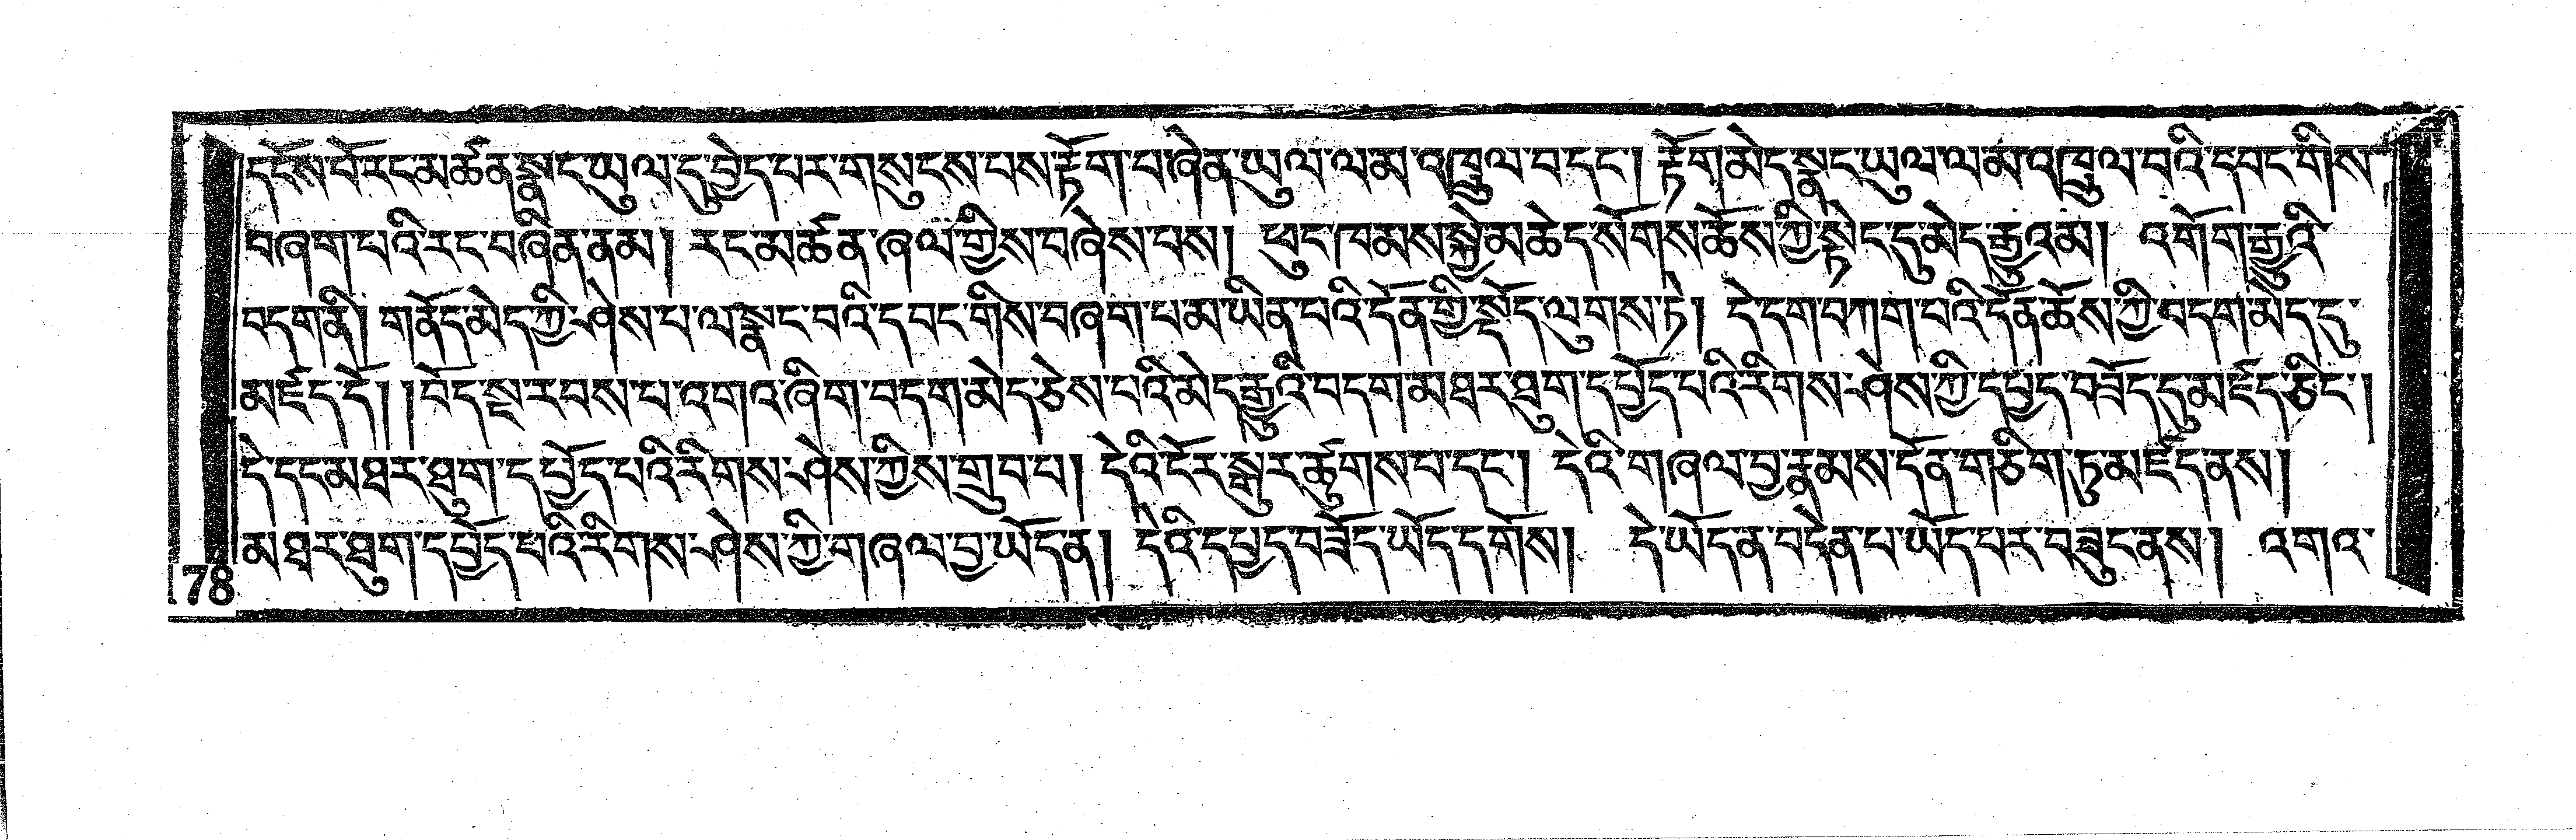དངོས་པོ་རང་མཚན་སྣང་ཡུལ་དུ་བྱེད་པར་གསུངས་པས་རྟོག་པ་ཞེན་ཡུལ་ལ་མ་འཁྲུལ་བ་དང་། རྟོག་མེད་སྣང་ཡུལ་ལ་མ་འཁྲུལ་བའི་དབང་གིས་
བཞག་པའི་རང་བཞིན་ནམ། རང་མཚན་ཞལ་གྱིས་བཞེས་པས། ཕུང་ཁམས་སྐྱེ་མཆེད་སོགས་ཆོས་ཀྱི་སྟེང་དུ་མེད་རྒྱུའམ། འགོག་རྒྱུའི་
བདག་ནི། གནོད་མེད་ཀྱི་ཤེས་པ་ལ་སྣང་བའི་དབང་གིས་བཞག་པ་མ་ཡིན་པའི་དོན་གྱི་སྡོད་ལུགས་ཏེ། དེ་དག་བཀག་པའི་དོན་ཆོས་ཀྱི་བདག་མེད་དུ་
མཛད་དོ། །བོད་སྔ་རབས་པ་འགའ་ཞིག་བདག་མེད་ཅེས་པའི་མེད་རྒྱུའི་བདག་མཐར་ཐུག་དཔྱོད་པའི་རིགས་ཤེས་ཀྱི་དཔྱད་བཟོད་དུ་མཛད་ཅིང་།
དེ་དང་མཐར་ཐུག་དཔྱོད་པའི་རིགས་ཤེས་ཀྱིས་གྲུབ་པ། དེའི་ངོར་སྒུར་ཚུགས་པ་དང་། དེའི་གཞལ་བྱ་རྣམས་དོན་གཅིག་ཏུ་མཛད་ནས།
མཐར་ཐུག་དཔྱོད་པའི་རིགས་ཤེས་ཀྱི་གཞལ་བྱ་ཡོད་ན། དེའི་དཔྱད་བཟོད་ཡོད་དགོས། དེ་ཡོད་ན་བདེན་པ་ཡོད་པར་བཟུང་ནས། འགའ་